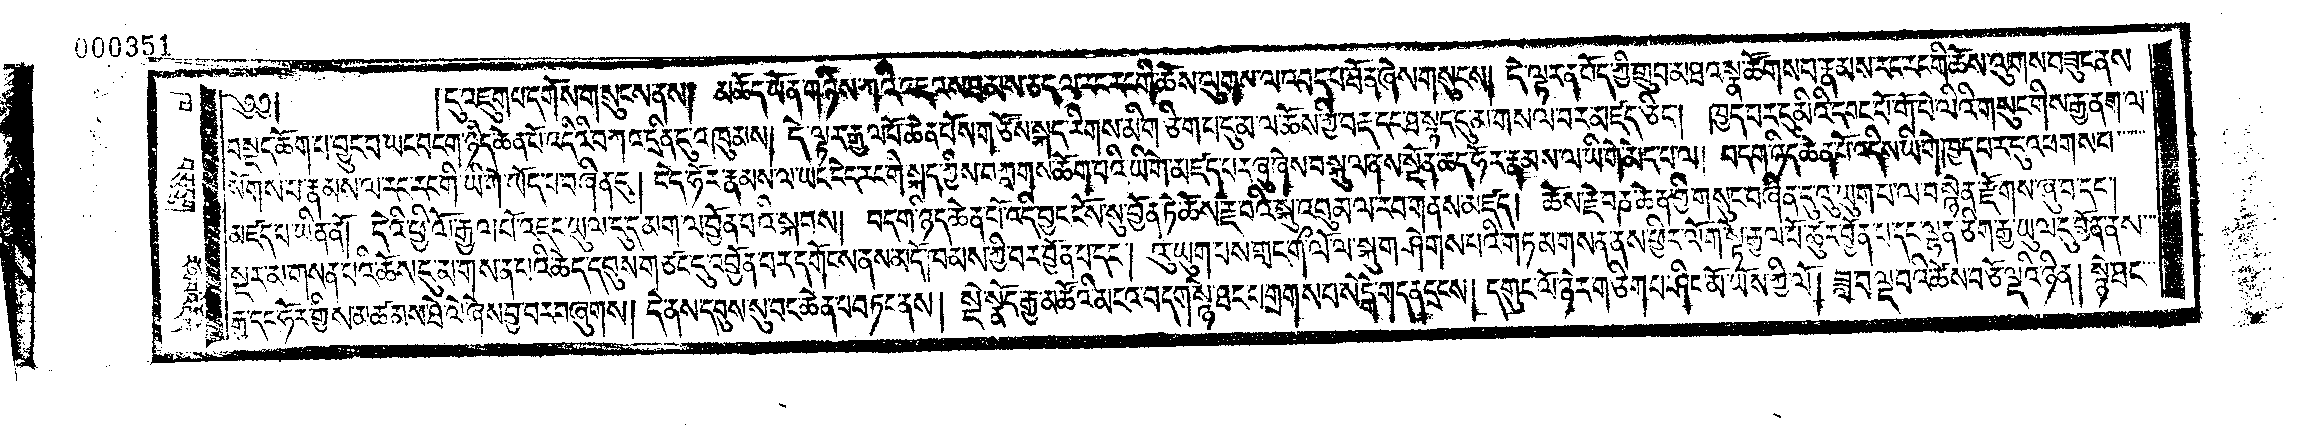༄༅། །དུ་འཇུག་པ་དོགས་གསུངས་ནས། མཆོད་ཡོན་གཉིས་ཀའི་འཇལ་ས་ཐམས་ཅད་ལ་རང་རང་གི་ཆོས་ལུགས་ལ་འབད་པ་ཐོན་ཞེས་གསུངས། དེ་ལྟར་ན་བོད་ཀྱི་གྲུབ་མཐའ་སྣ་ཚོགས་པ་རྣམས་རང་རང་གི་ཆོས་ལུགས་བཟུང་ནས་
བསྡད་ཆོག་པ་བྱུང་བ་ཡང་བདག་ཉིད་ཆེན་པོ་འདིའི་བཀའ་དྲིན་དུ་འཁུམས། དེ་ལྟར་རྒྱལ་པོ་ཆེན་པོས་གཙོས་སྐད་རིགས་མི་གཅིག་པ་དུ་མ་ལ་ཆོས་ཀྱི་བརྡ་དང་ཐ་སྙད་དུ་མ་གསལ་བར་མཛད་ཅིང་། ཁྱད་པར་དུ་མིའི་དབང་པོ་གོ་པེ་ལིའི་གསུང་གིས་རྒྱ་ནག་ལ་
སོགས་པ་རྣམས་ལ་རང་རང་གི་ཡི་གེ་ཡོད་པ་བཞིན་དུ། ངེད་ཧོར་རྣམས་ལ་ཡང་དེད་རང་གི་སྐད་ཀྱི་བཀླགས་ཆོས་པའི་ཡི་གེ་མཛད་པར་ཞུ་ཞེས་བསྐུལ་ནས་སྔོན་ཆད་ཧོར་རྣམས་ལ་ཡི་གེ་མེད་པ་ལ། བདག་ཉིད་ཆེན་པོ་འདིས་ཡི་གེ་ཁྱད་པར་དུ་འཕགས་པ་
མཛད་པ་ཡིན་ནོ། དེའི་ཕྱི་ལོ་རྒྱལ་པོ་འཇང་ཡུལ་དུ་དམག་ལ་བྱོན་པའི་སྐབས། བདག་ཉིད་ཆེན་པོ་འདི་བྱང་ངོས་སུ་བྱོན་ཏེ་ཆོས་རྗེ་བའི་སྐུ་འབུམ་ལ་རབ་གནས་མཛད། ཆོས་རྗེ་པཎ་ཆེན་གྱི་གསུང་བཞིན་དུ་འུ་ཡུག་པ་ལ་བསྙེན་རྫོགས་ཞུ་བ་དང་།
སྔར་མ་གསན་པའི་ཆོས་དུ་མ་གསན་པའི་ཆེད་དབུས་གཙང་དུ་འབྱོན་པར་དགོངས་ནས་མདོ་ཁམས་ཀྱི་བར་བྱོན་པ་དང་། འུ་ཡོག་པས་གླང་གཾ་ལོ་ལ་སྐུ་གཤེགས་པའི་གཏམ་གསན་ནས་ཕྱིར་ལོག་སྟེ་རྒྱལ་བོ་ཚུར་བྱོན་པ་དང་ལྷན་ཅིག་རྒྱ་ཡུལ་དུ་བྱོན་ནས་
རྒྱ་དང་ཧོར་གྱིས་མཚམས་ཐེ་ལེ་ཞེས་བྱ་བར་བཞུགས། དེ་ནས་དབུས་སུ་བང་ཆེན་པ་བཏང་ནས། སྡེ་སྣོད་རྒྱ་མཚོའི་མངའ་བདག་སྙེ་ཐང་པ་གྲགས་པ་སེངྒེ་གདན་དྲངས། དགུང་ལོ་ཉེར་གཅིག་པ་ཤིང་མ་ཡོས་ཀྱི་ལ། ཟླ་བ་ལྔ་བའི་ཚེས་བཅོ་ལྔའི་ཉིན། སྙེ་ཐང་